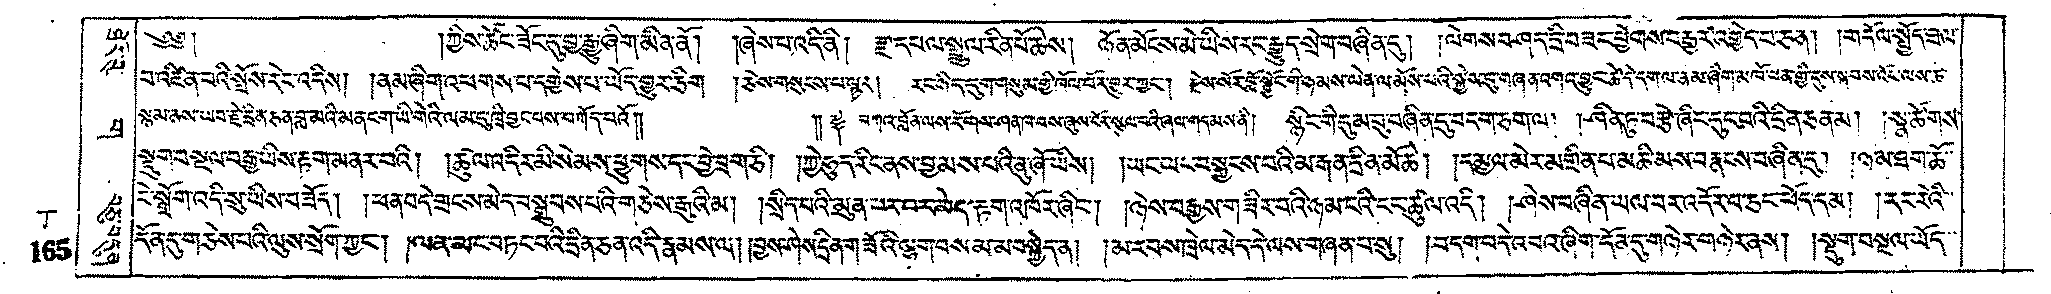༄༅། །ཀྱིས་ཚོང་ཟོང་དུ་བྱ་རྒྱུ་ཞིག་མིན་ནོ། །ཞེས་པ་འདི་ནི། རྫ་དཔལ་སྤྲུལ་རིན་པོ་ཆེས། ཉོན་མོངས་མེ་ཡིས་རང་རྒྱུད་སྲེག་བཞིན་དུ། །ལེགས་བཤད་དྲི་བཟང་ཕྱོགས་བརྒྱར་འགྱེད་པ་ཅན། །གདོལ་སྤྱོད་ཐལ་
བ་འཛིན་པའི་སྤོས་རེང་འདིས། །ནམ་ཞིག་འཕགས་པ་དགྱེས་པ་ཡོད་གྱུར་ཅིག །ཅེས་གསུངས་པ་ལྟར། རང་ཉིད་དུག་གསུམ་གྱི་ཁོལ་པོར་གྱུར་ཀྱང་། རྗེས་སོར་བློ་སྦྱོང་གི་ཉམས་ལེན་ལ་མོས་པའི་སྐྱེས་བུ་གཞན་འགའ་བྱུང་ཚེ་དེ་དག་ལ་ནམ་ཞིག་མཁོ་ཕན་གྱི་དུས་སྐབས་འོང་ལས་ཚེ་
སྙམ་ནས་ཡབ་རྗེ་དྲིན་ཅན་བླ་མའི་མན་ངག་ཡི་གེའི་ལམ་དུ་ཁྲི་བྱང་པས་བཀོད་པའོ།། །། འ་བཀའ་བློན་ལས་རོགས་ཤན་ཁ་བས་ཞུས་ངོར་སྩལ་བའི་ཞལ་གདམས་ནི། སྙིང་གི་དུམ་བུ་བཞིན་དུ་བདག་ཅག་ལ། །ཤིན་ཏུ་བརྩེ་ཞིང་དུང་བའི་དྲིན་ཅན་མ། །སྣ་ཚོགས་
སྡུག་བསྔལ་བརྒྱ་ཡིས་རྟག་མནར་བའི། །ཚུལ་འདིར་མི་སེམས་ཕྱུགས་དང་བྱེ་བྲག་ཅི། །ཀྱེ་ཧུད་རིང་ནས་བྱམས་པའི་ནུ་ཞོ་ཡིས། །ཡང་ཡང་བསྐྱངས་པའི་མ་རྒན་དྲིན་མོ་ཆེ། །དམྱལ་མེར་མགྲིན་པ་མཆི་མས་བརྣངས་བཞིན་དུ། །ཉམ་ཐག་ཆོ་་་
ངེ་སྒྲོག་འདི་སུ་ཡིས་བཟོད། །ཕན་བདེ་གྲངས་མེད་བསྒྲུབས་པའི་གཅེས་རྒུའི་མ། །སྲིད་པའི་མུན་པར་བར་མེད་རྟག་འཁོར་ཞིང་། །ཉེས་བརྒྱས་གཟིར་བའི་ཉམ་ངའི་ངང་ཚུལ་འདི། །ཤེས་བཞིན་ཡལ་བར་འདོར་བ་ཅང་ཕོད་དམ། །རང་རེའི་
དོན་དུ་གཅེས་པའི་ལུས་སྲོག་ཀྱང་། །ལན་མང་བཏང་བའི་དྲིན་ཅན་འདི་རྣམས་ལ། །བྱས་ཤེས་དྲིན་གཟོའི་ལྷག་བསམ་མ་བསྐྱེད་ན། །མ་རབས་ཁྲེལ་མེད་དེ་ལས་གཞན་པ་སུ། །བདག་བདེ་འབའ་ཞིག་དོན་དུ་གཉེར་གཉེར་ནས། །སྡུག་བསྔལ་ཡོད་་་